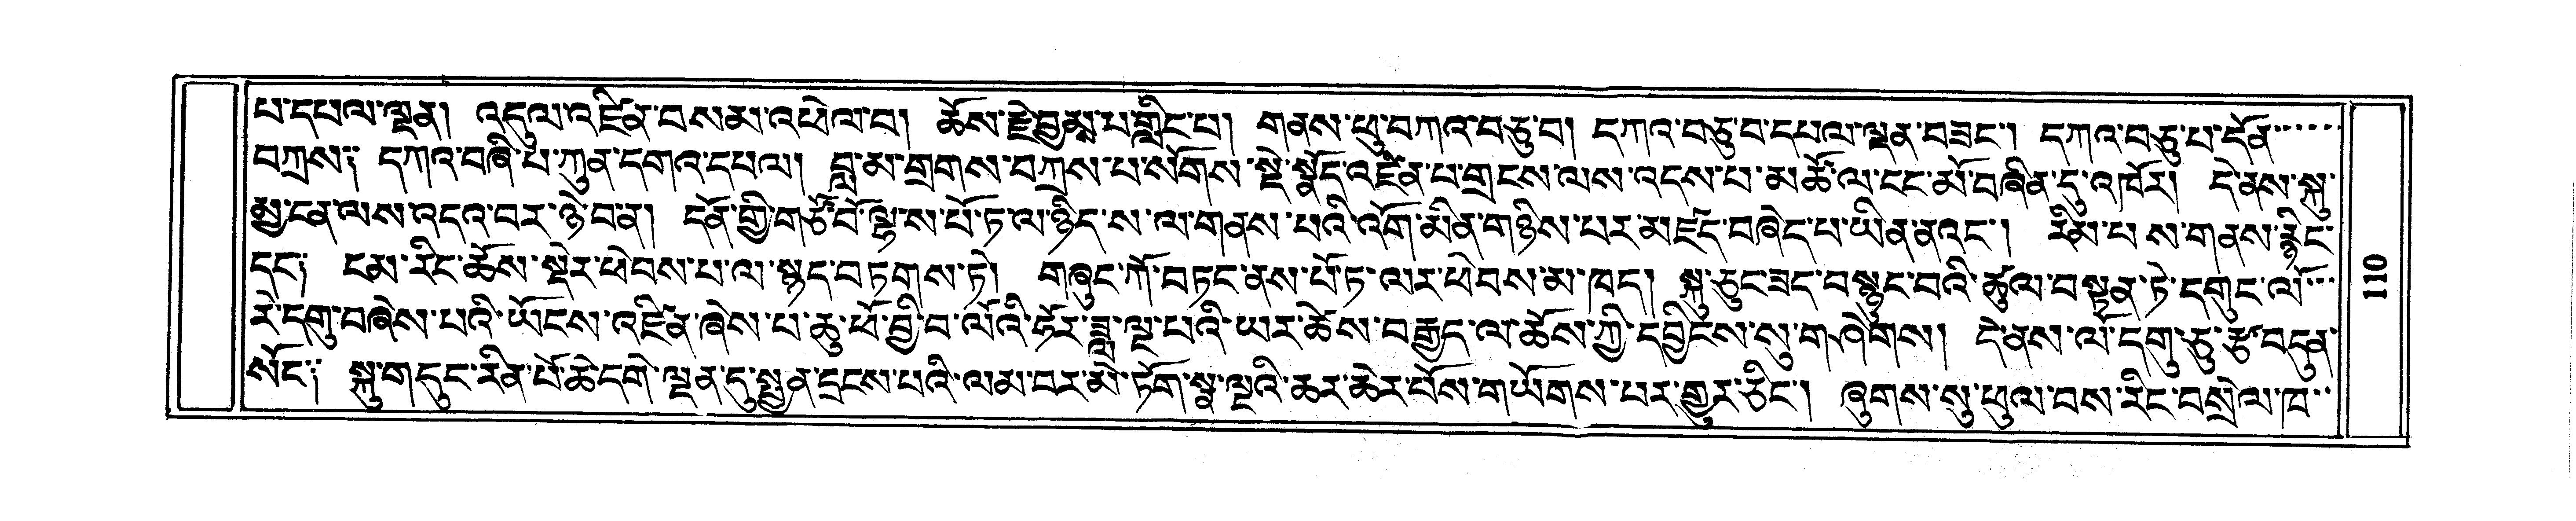པ་དཔལ་ལྡན། འདུལ་འཛིན་བསམ་འཕེལ་བ། ཆོས་རྗེ་བྱམས་པ་གླིང་པ། གནས་ཕུ་བཀའ་བཅུ་བ། དཀའ་བཅུ་བ་དཔལ་ལྡན་བཟང་། དཀའ་བཅུ་པ་དོན་
བཀྲས༑ དཀའ་བཞི་པ་ཀུན་དགའ་དཔལ། བླ་མ་གྲགས་བཀྲས་པ་སོགས་སྡེ་སྣོད་འཛིན་པ་གྲངས་ལས་འདས་པ་མཚོ་ལ་ངང་མོ་བཞིན་དུ་འཁོར། དེ་ནས་སྐུ་
མྱ་ངན་ལས་འདའ་བར་ཉེ་བ་ན། དོན་གྱི་གཙོ་བོ་ལྷ་ས་པོ་ཏ་ལ་ཉིད་ས་ལ་གནས་པའི་འོག་མིན་གཉིས་པར་མཛད་བཞེད་པ་ཡིན་ནའང་། རིམ་པས་གནས་རྙིང་
དང༑ ངམ་རིང་ཆོས་སྡེར་ཕེབས་པ་ལ་སྙད་བཏགས་ཏེ། གཞུང་ཀོ་བཏང་ནས་པོ་ཏ་ལར་ཕེབས་མ་ཁད། སྐུ་ཅུང་ཟད་བསྙུང་བའི་ཚུལ་བསྟན་ཏེ་དགུང་ལོ་
རེ་དགུ་བཞེས་པའི་ཡོངས་འཛིན་ཞེས་པ་ཆུ་ཕོ་བྱི་བ་ལོའི་ཧོར་ཟླ་ལྔ་པའི་ཡར་ཚེས་བརྒྱད་ལ་ཆོས་ཀྱི་དབྱིངས་སུ་གཤེགས། དེ་ནས་ལོ་དགུ་ཅུ་རྩ་བདུན་
སོང༑ སྐུ་གདུང་རིན་པོ་ཆེ་དགེ་ལྡན་དུ་སྤྱན་དྲངས་པའི་ལམ་བར་མེ་ཏོག་སྣ་ལྔའི་ཆར་ཆེར་པོས་གཡོགས་པས་རྒྱུར་ཅིང་། ཞུགས་སུ་ཕུལ་བས་རིང་བསྲེལ་ཁ་